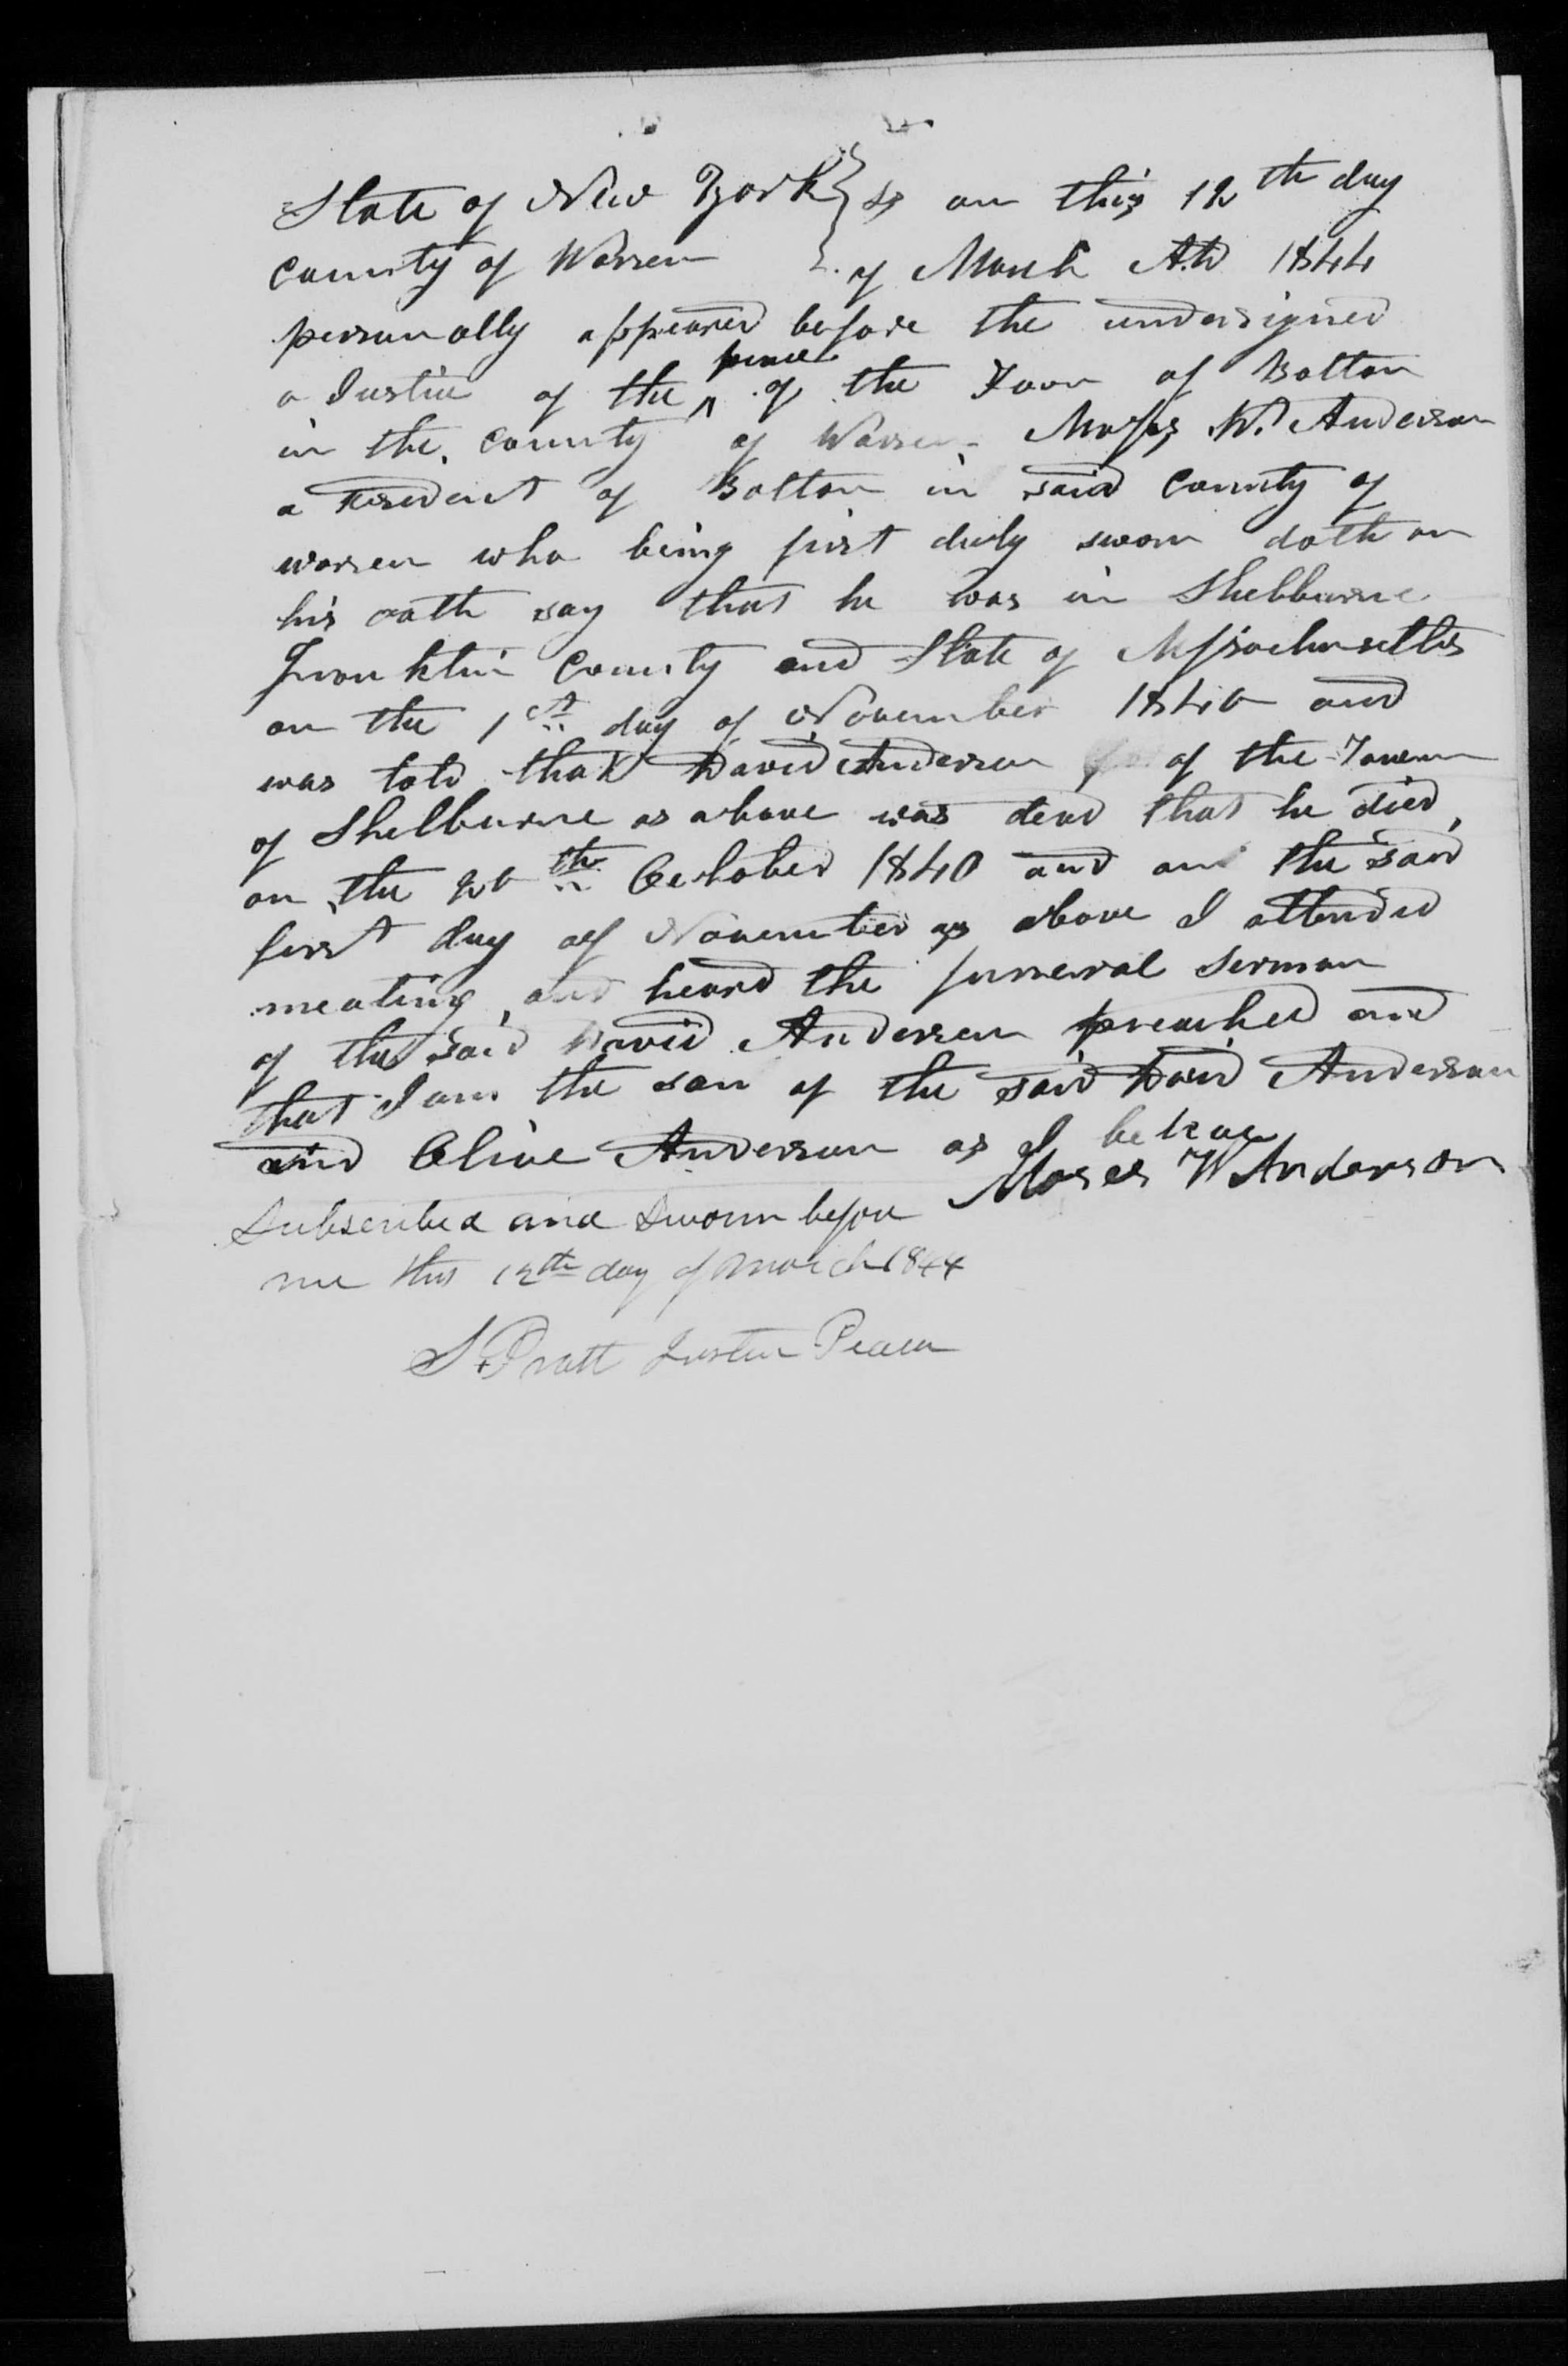State of New York 
County of Warren SS
On this 14th day of March A.D. 1844
personally appeared before the undersigned
a Justice of the peace of the Town of Bolton
in the County of Warren, Moses W. Anderson
a resident of Bolton in said County of
Warren who being first duly sworn doth on
his oath say that he was in Shelburne
Franklin County and State of Massachusetts
on the 1st day of November 1840 and
was told that David Anderson of the Town of
Shelburne as above was dead that he died
on the 20th October 1840 and he said
first day of November as above I attended
meating and heard the funeral Sermon
of the said David Anderson preached and
that I am the son of the said David Anderson
and Olive Anderson as I believe
Subscribed and Sworn before
me this 12th day of March 1844
Moses W Anderson [signature]
S. Pratt Justice Peace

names: David Anderson, S Pratt, W Anderson, David Anderson, Moses W Anderson, David Anderson, Serman, Olive Anderson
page: 15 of 39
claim: widow's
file: W. 20624, David Anderson, Mass